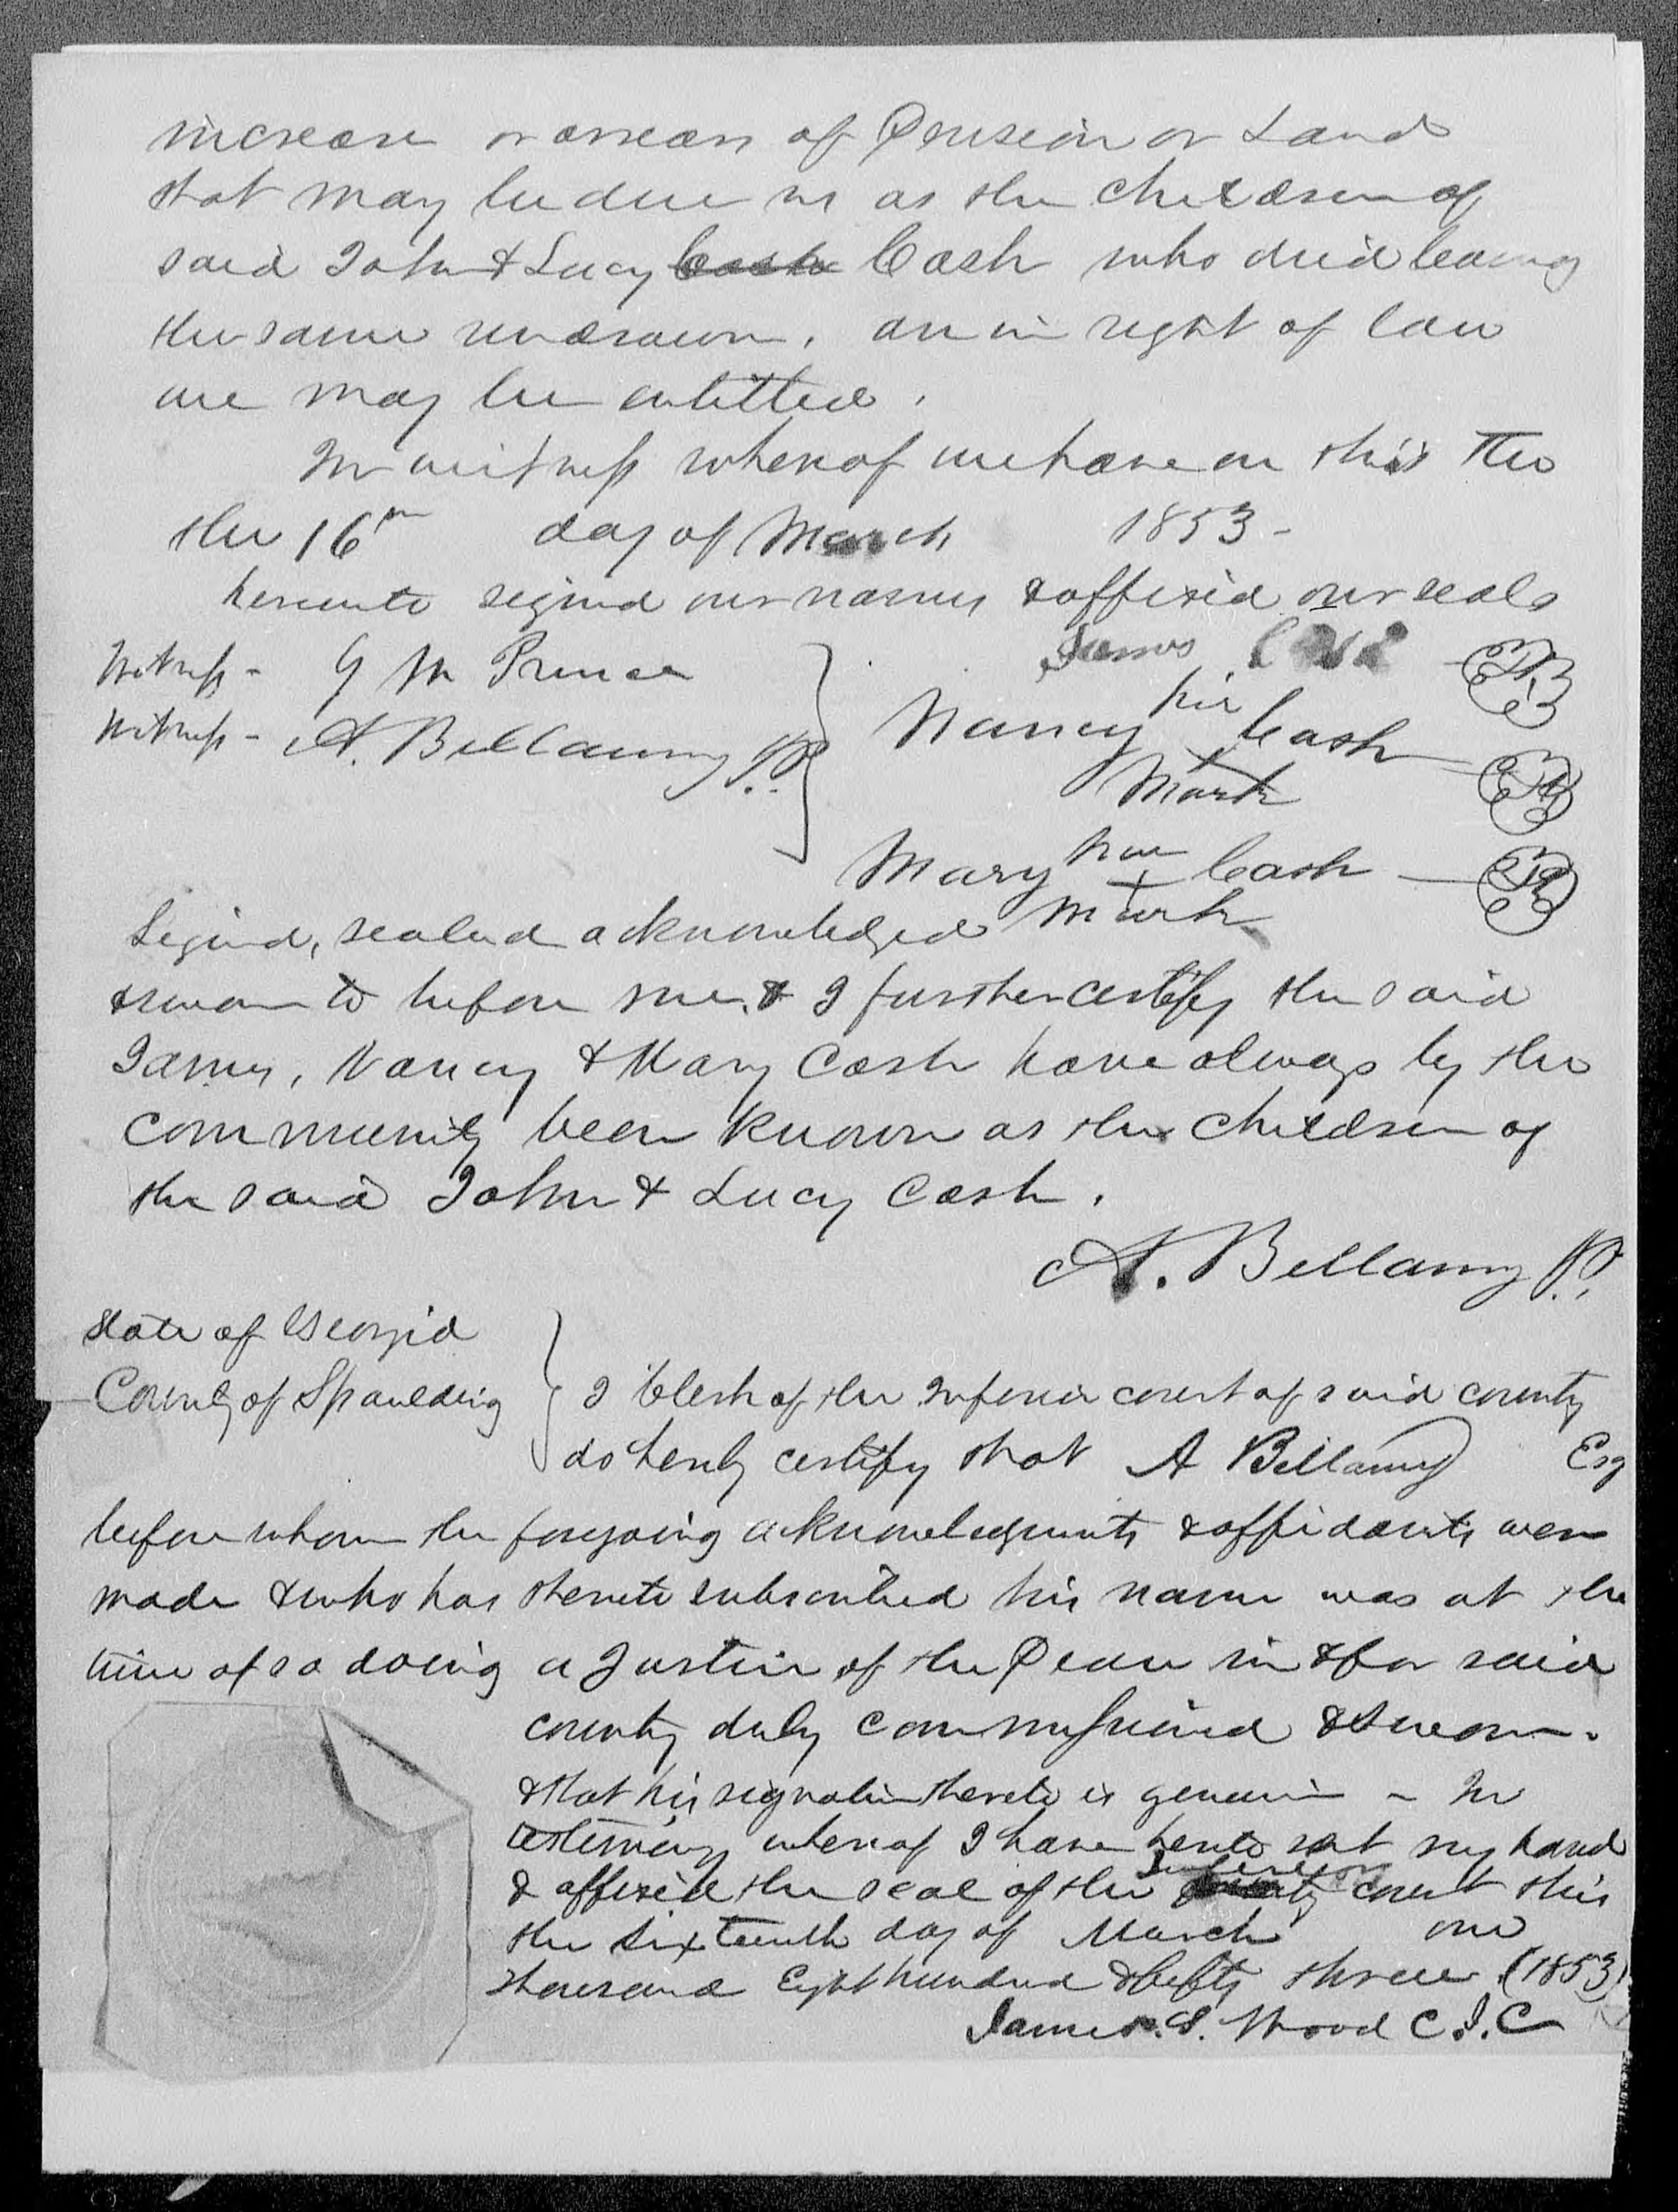increase or arrears of Pension or Land that may be due us as the children of said John & Lucy Cash who died leaving the same undrawn, and in right of law may be entitled,
In witness whereof we have on this the
the 16th day of March 1853- hereunto signed our names & affixed our seals.
                                James Cash
                                Nancy (x) Cash
                                 Mary (x) Cash

Witness-- G M Prince
from
Witness - A. Bellamy JP

Signed, sealed acknowledged & sworn to before me & I further certify the said James, Nancy & Mary Cash have always by the
community been known as the children of
the said John & Lucy Cash.
A. Bellamy JP


State of Georgia
County of Spaulding
I James S Wood, Clerk of the Inferior Court of said County do hereby certify that A Bellamy Esq before whom the foregoing acknowledgement & affidavits were
made & who has thereto subscribed his name was at the time of so doing a Justice of the Peace in & for said County duly commissioned & sworn & that his signature thereto is genuine. In testimony whereof I have hereto set my hand & affixed the seal of the County Court this the sixteenth day of March thousand Eight hundred & fifty-three (1853)
James S. Wood J.C.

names: James Cash, Mary Cash, A Bellamey, A Bellamy, John Cash, James Cash, G M Prince, Nancy Cash, A Bellamy, Mary Cash, James S Wood, Lucy Cash, Nancy Cash, John Cash, Lucy Cash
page: 34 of 73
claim: widow's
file: W. 5,894, John Cash, Va.